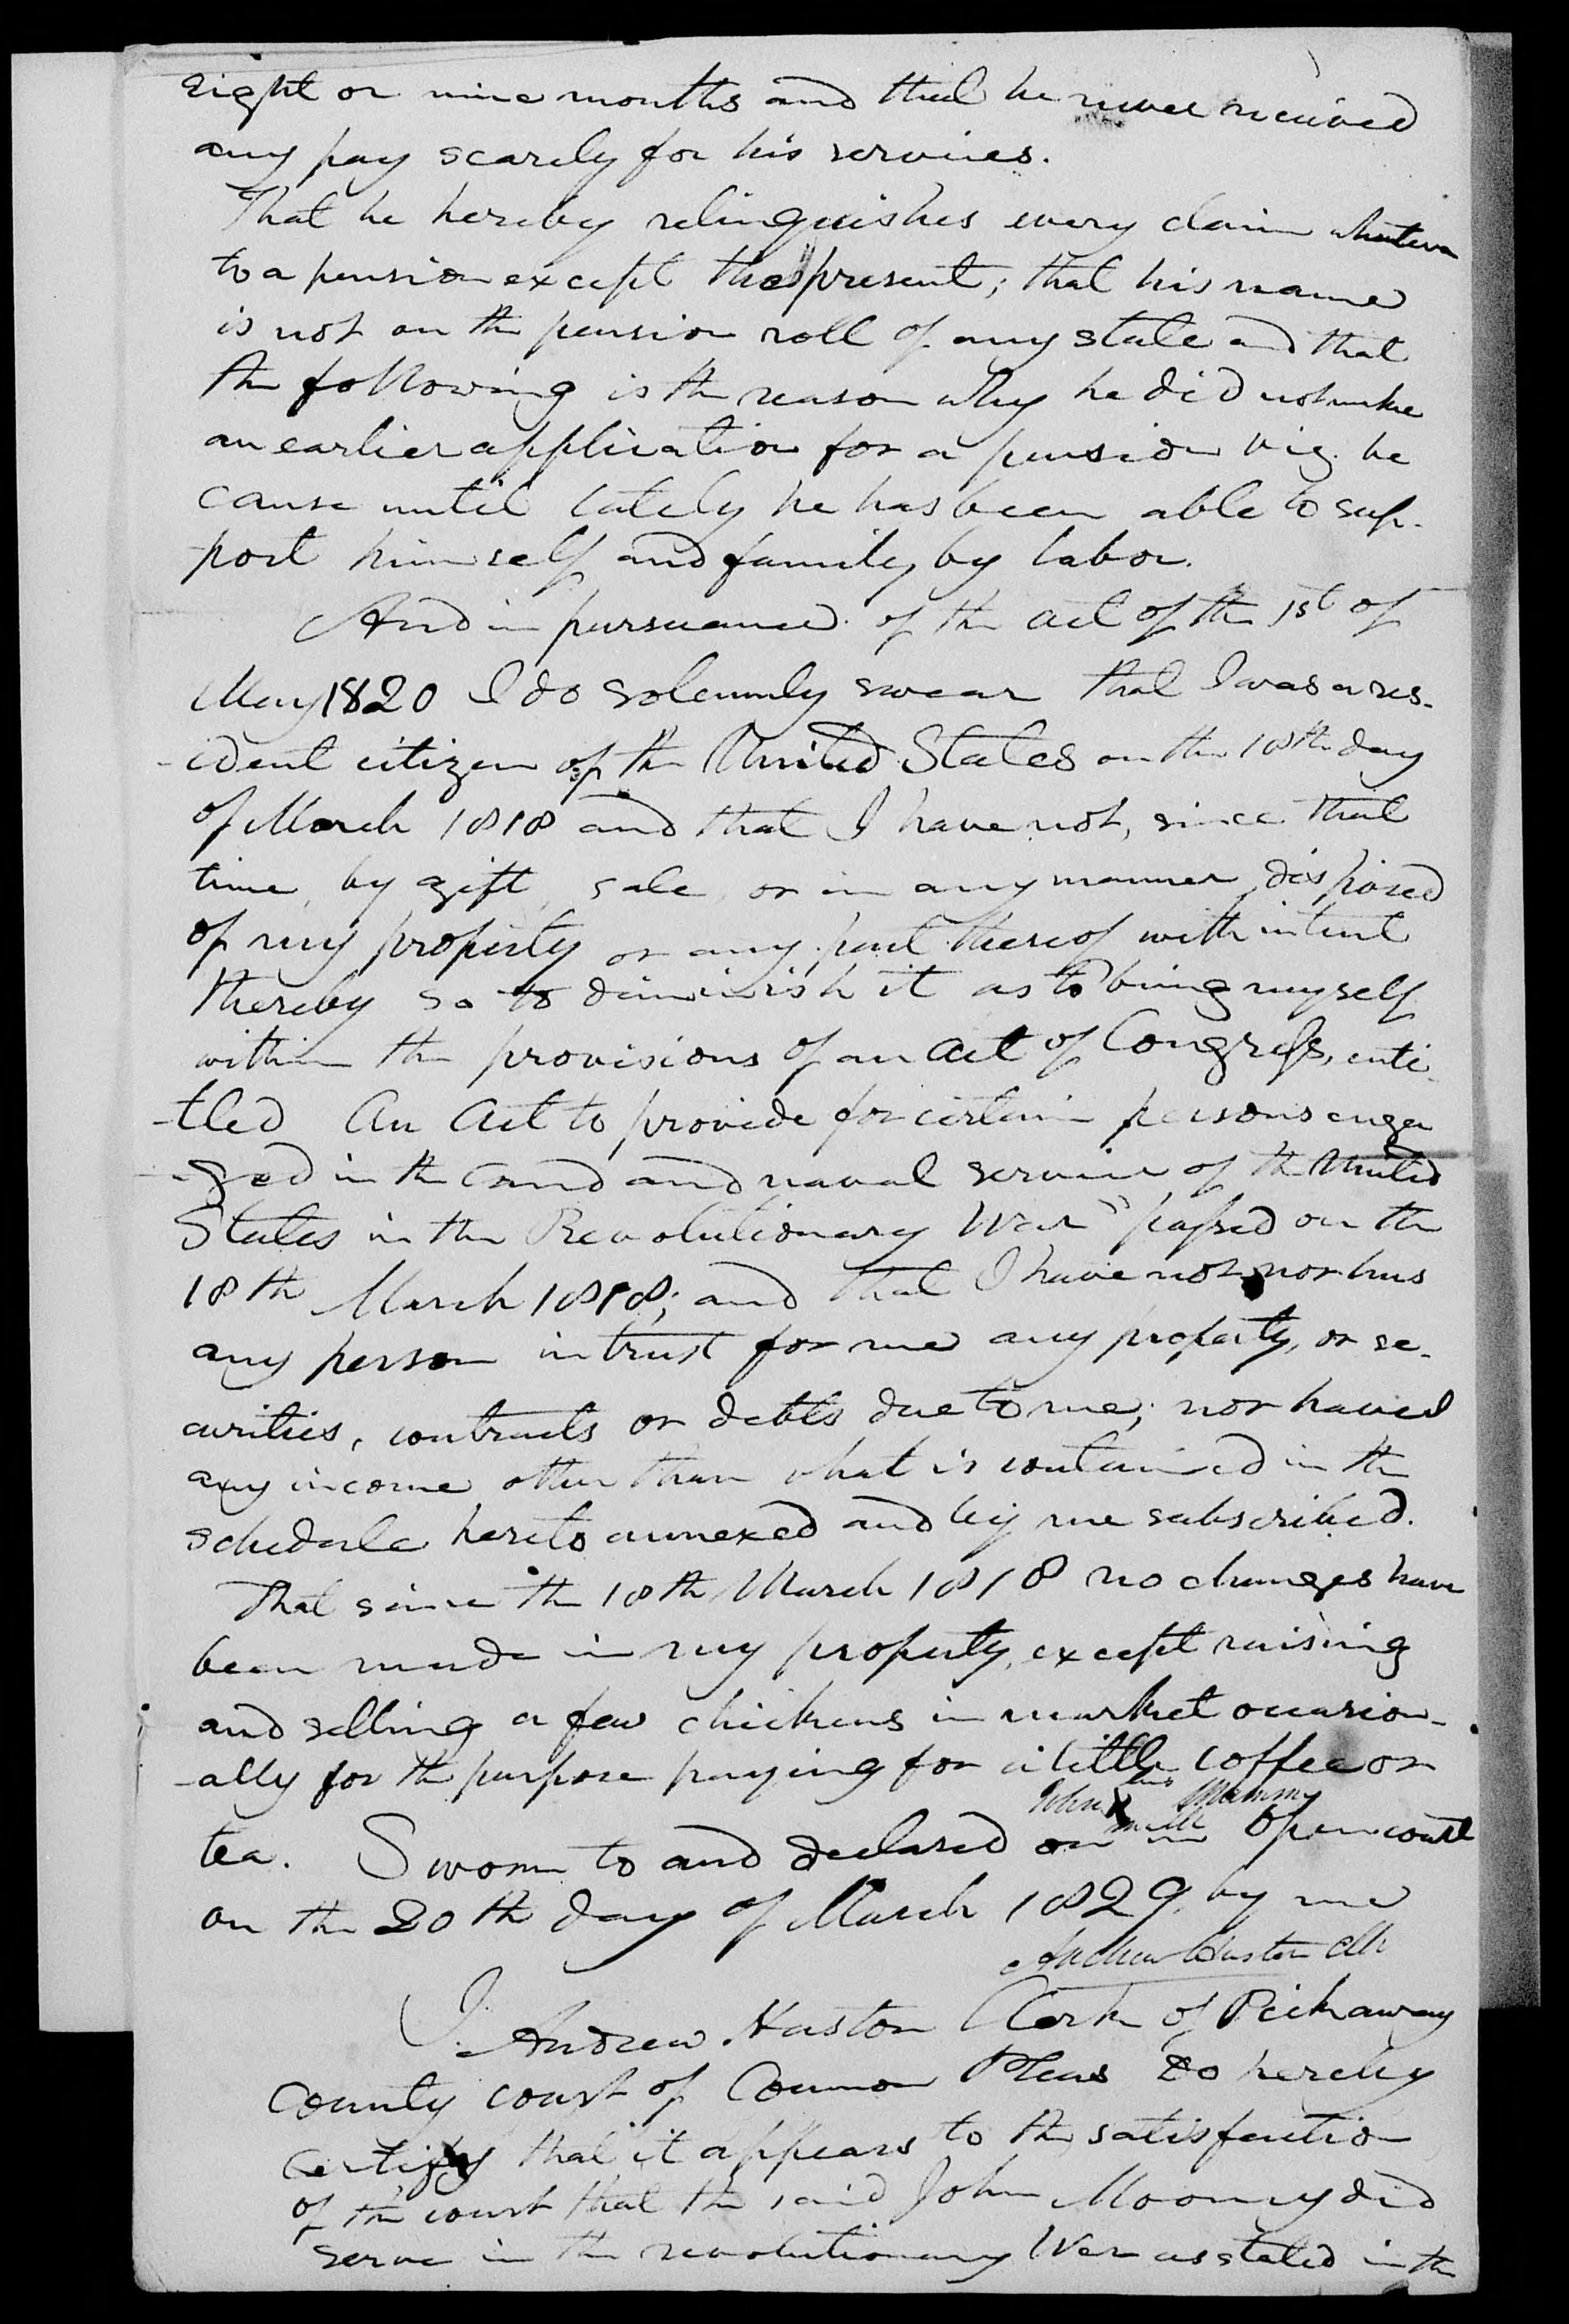eight or nine months and that he never received any pay scarly for his services.
That he hereby relinquishes every claim whatever to a pension except that present, that his name was not on the pension roll of any state and that the following is the reason why he did not make an earlier affiliation for a pension aig because until lately he has been able to support himself and family by labor
And in pursuance of the act of the 1st of May, 1820 I do solemnly swear that I was a resident citizen of the United States on the 18 day of March 1818 and that I have not since that time by gift, sale or in any manner deposed of any property or any land there of with intent thereby so to diminish it as to being myself with the provisions of an Act of Congress entitled an Act to provide for certain pensions engaged in the [not legible] service of the United States in the Revolutionary War prepared on the 18th March 1888, and that I have not now has any person in trust for me any property, or securities, contracts or debts due to me, nor have any income other than what is contained in the schedule here to annexed and by me subscribed.
That since the 18th March 1888 no changes have been made in my property except raising and selling a few chickens in market occasionally for the purpose paying for a little coffee or tea.
John Mooney {X his mark}
Sworn to and declared on the 20th day of March 1829
I Andrew Haston Clerk of Pihaway County court of Memmon Treas do hereby certify that it appears to the satisfaction of the court that the said John Mooney did serve in the Revolutionay War as stated in this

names: Andrew Haster; John Mummy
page: 8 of 9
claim: rejected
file: R. 16,627, for John Mummy, Maryland